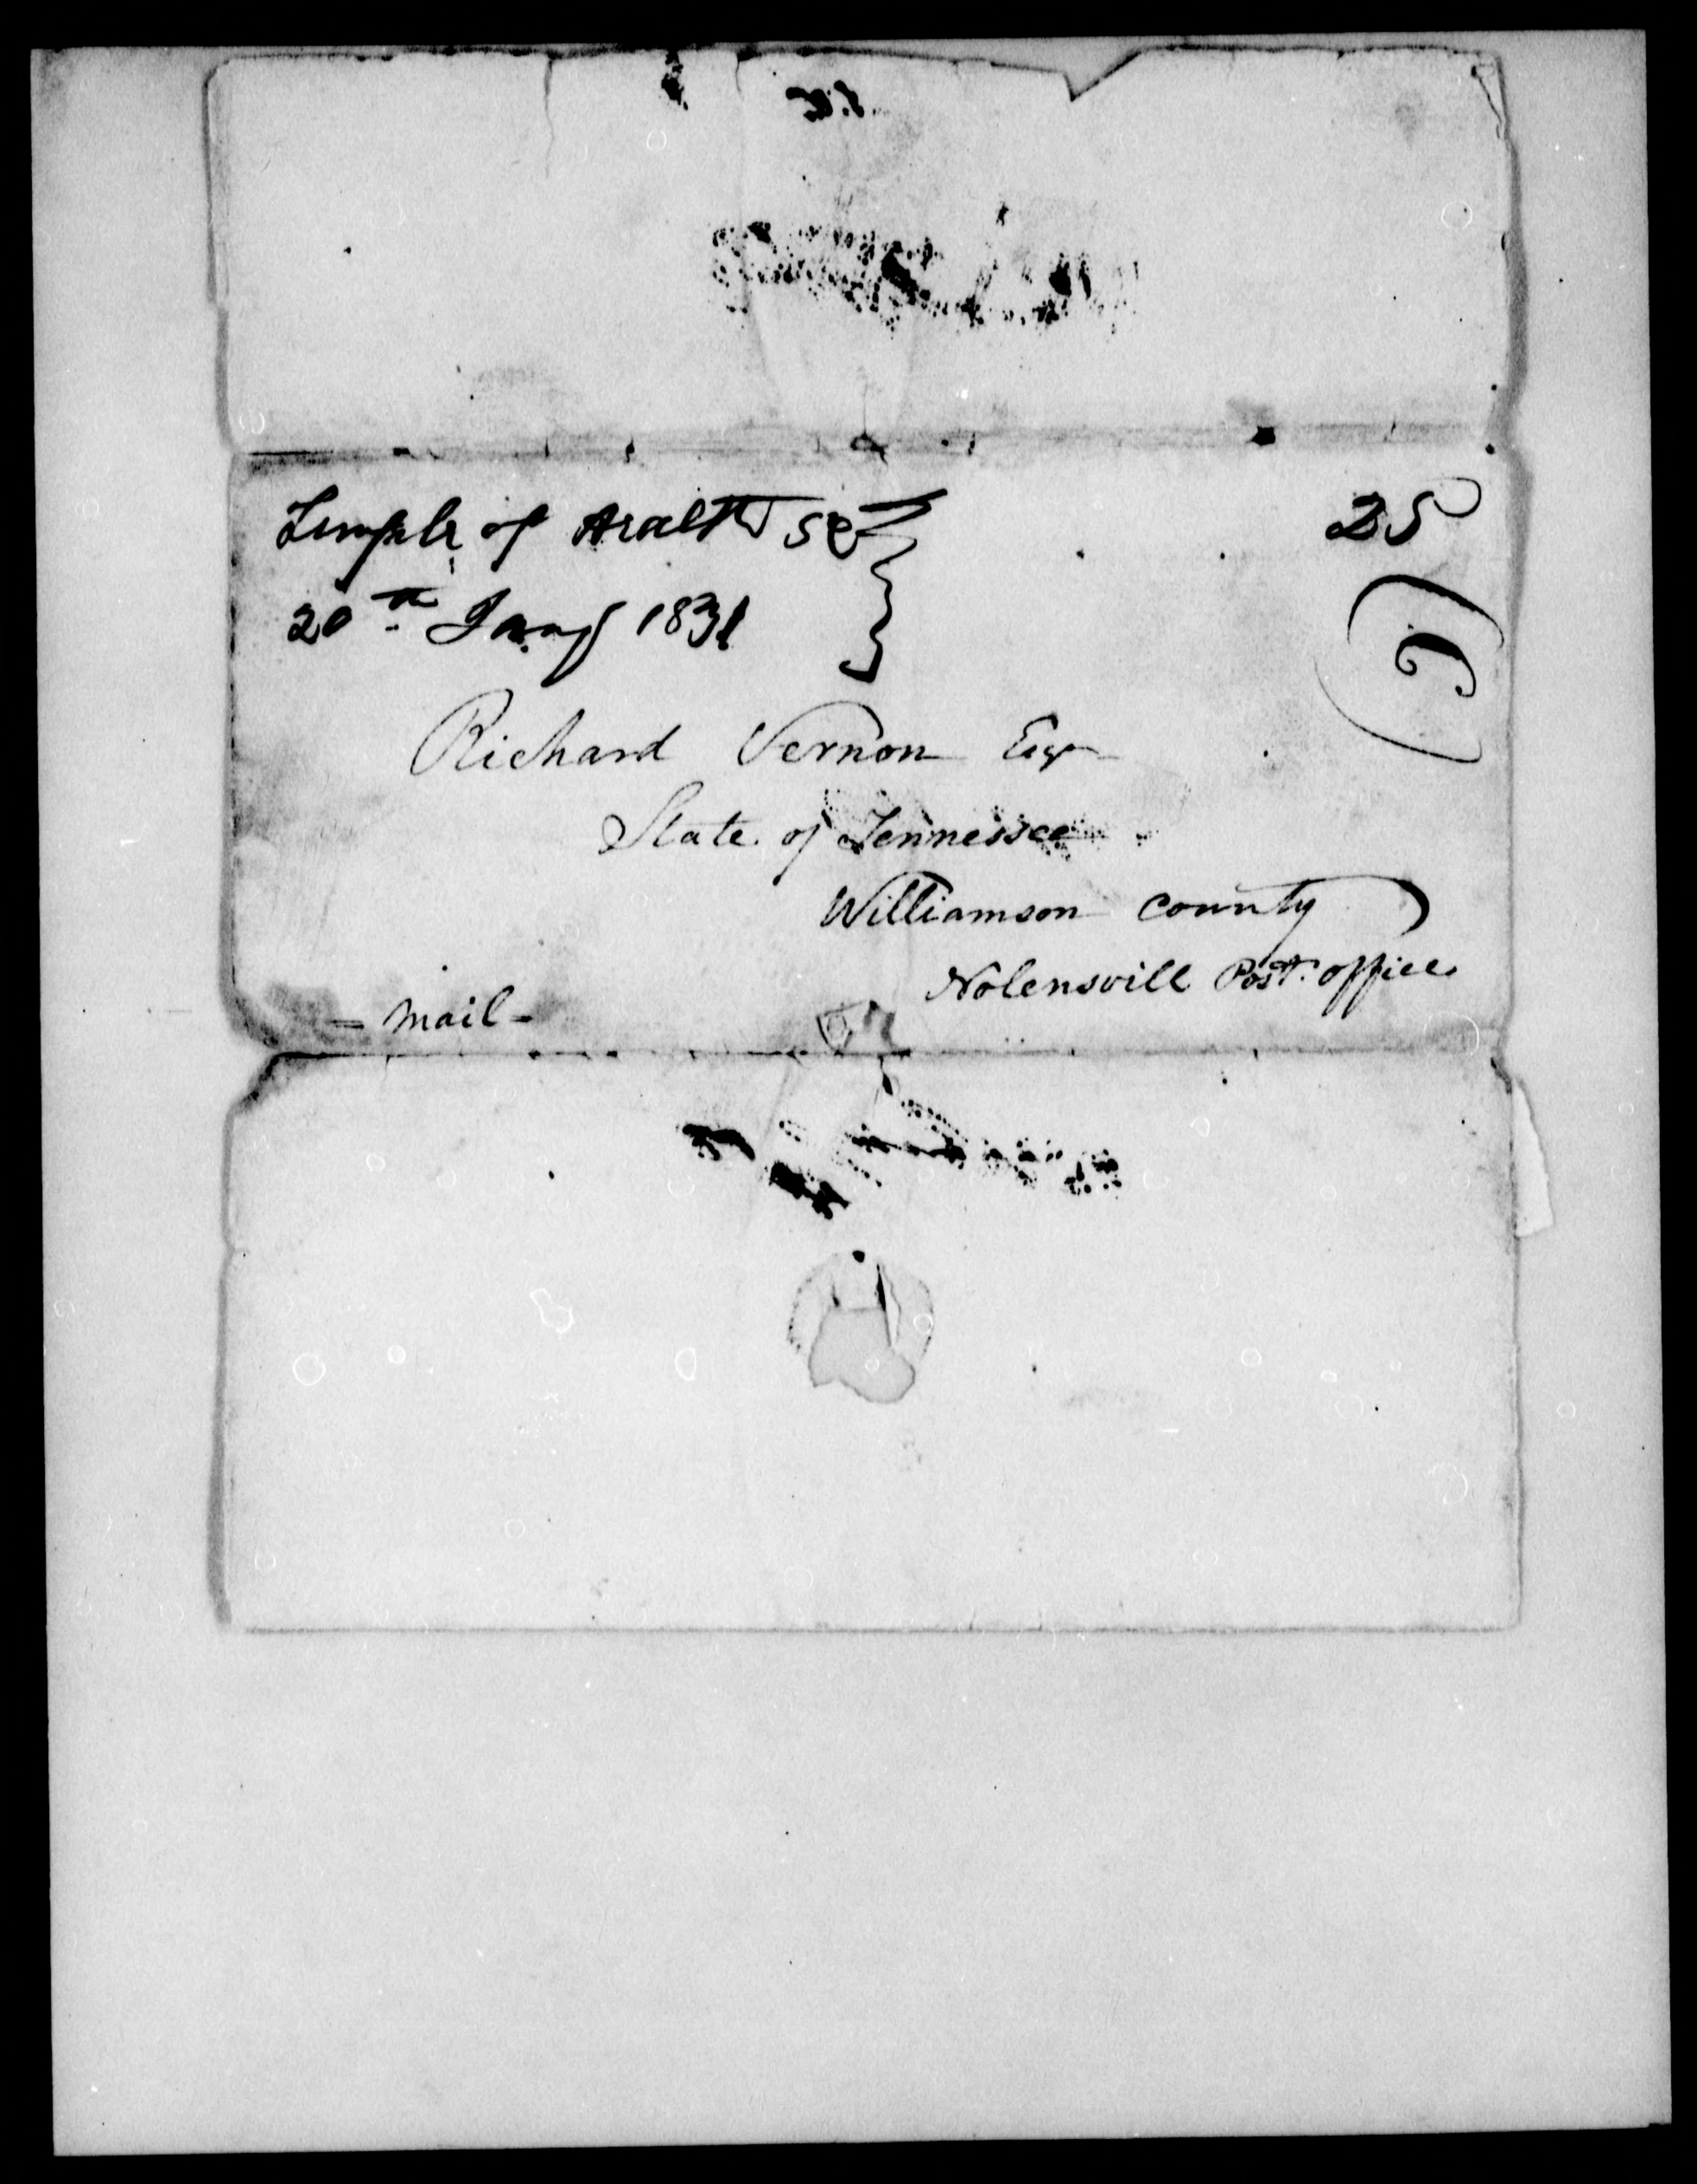Temple of Health SC}
20th Jany 1831
25 (C)

Richard Vernon Esqr.
State of Tennessee
Williamson County
Nolensville Post. office
-  mail -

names: Richard Vernon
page: 99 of 105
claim: survivor's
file: S. 1883, Richard Vernon, N.C.